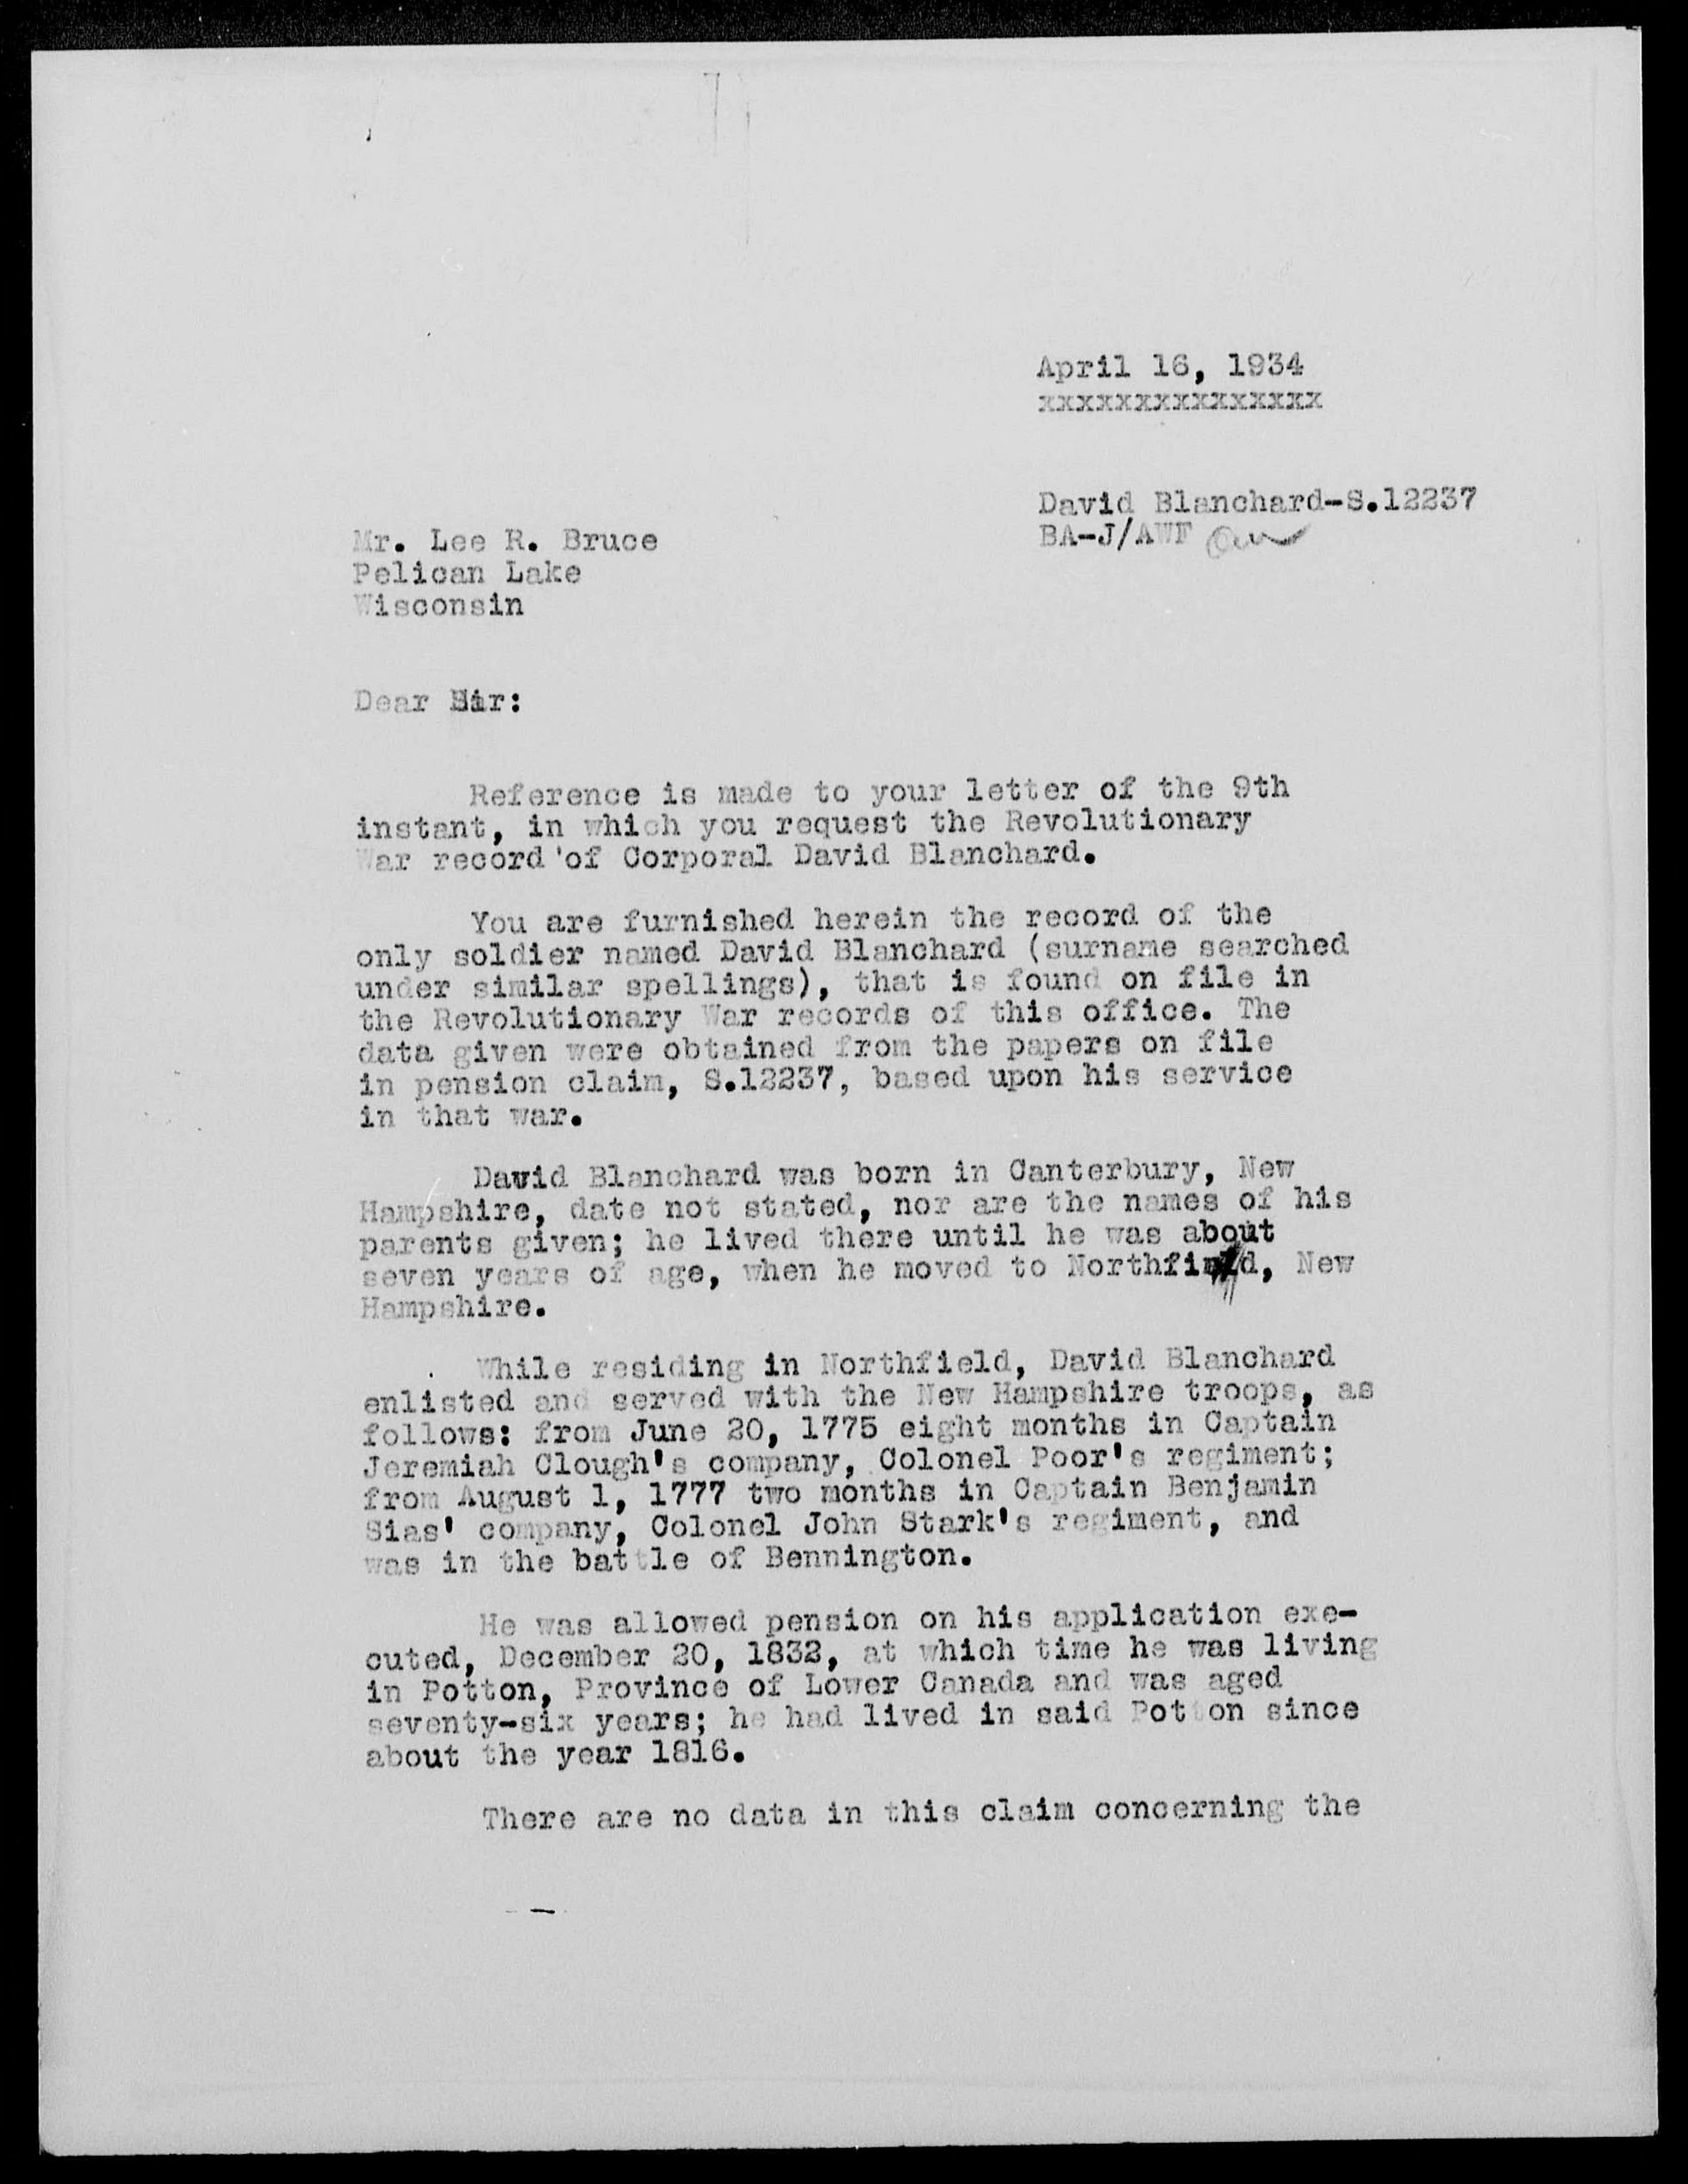April 16, 1934
XXXXXXXXXXXXXXX
David Blanchard-S.12237
BA-J/AWF  [An - written in]
Mr. Lee R. Bruce
Pelican Lake
Wisconsin
Dear Sir:
Reference is made to your letter of the 9th instant, in which you request the Revolutionary War record of Corporal David Blanchard.
You are furnished herein the record of the only soldier named David Blanchard (surname searched under similar spellings), that is found on file in the Revolutionary War records of this office. The data given were obtained from the papers on file in pension claim, S.12237, based upon his service in that war.
David Blanchard was born in Canterbury, New Hampshire, date not stated, nor are the names of his parents given; he lived there until he was about seven years of age, when he moved to Northfield, New Hampshire.
While residing in Northfield, David Blanchard
enlisted and served with the New Hampshire troops, as follows: from June 20, 1775, eight months in Captain Jeremiah Clough's company, Colonel Poor's regiment; from August 1, 1777, two months in Captain Benjamin Sias' company, Colonel John Stark's regiment, and was in the battle of Bennington.
He was allowed pension on his application executed, December 20, 1832, at which time he was living in Potton, Province of Lower Canada and was aged seventy-six years; he had lived in said Potton since about the year 1816.
There are no data in this claim concerning the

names: David Blanchard, David Blanchard, David Blanchard, David Blanchard, David Blanchard, Lee R Bruce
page: 8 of 23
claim: survivor's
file: S. 12237, David Blanchard, N. H.